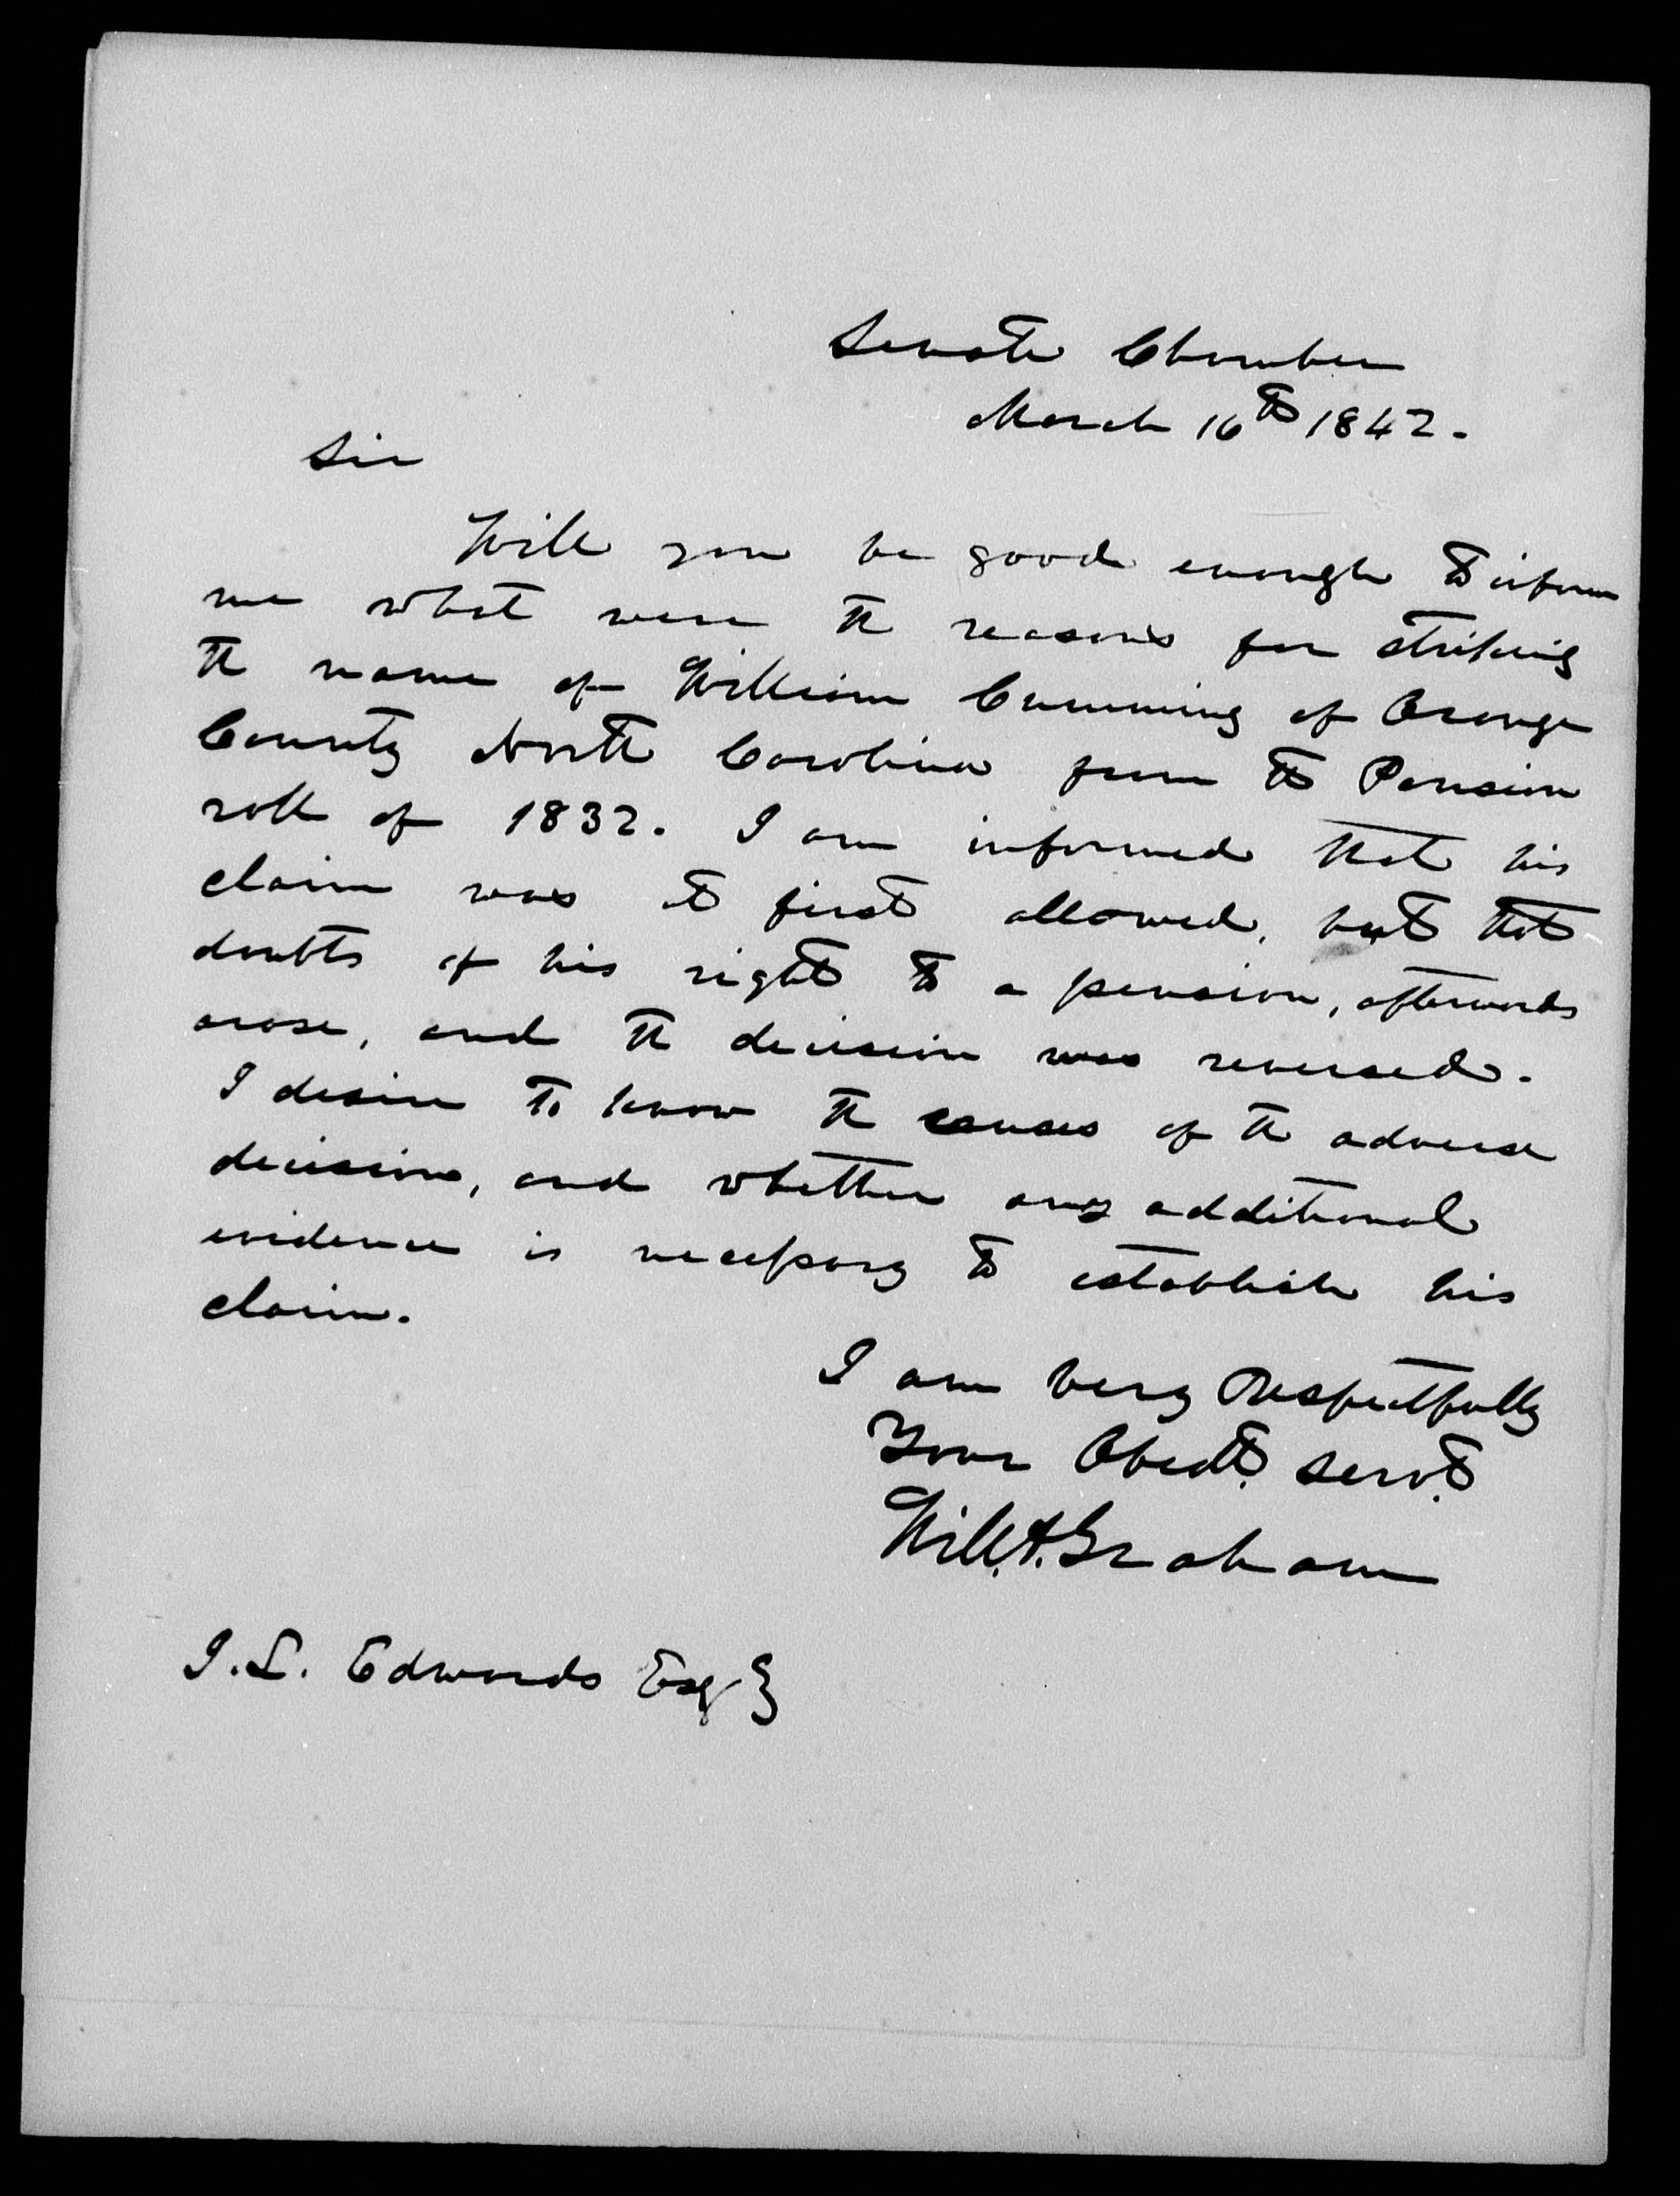[Handwritten letter.  Occasional spacing has been included to make the long text block easier to read.]

Senate Chamber
March 16th 1842_

Sir

Will you be good enough to inform me what were th [the] reasons for striking th [the] name of William Cumming of Orange County North Carolina from th [the] Pension roll of 1832.  I am informed that his claim was at first allowed, but that doubts of his right to a pension, afterwards arose, and th [the] decision was reversed.

I desire To know th [the] causes of th [the] adverse decisions, and whether any additional evidence is necessary to establish his claim.

I am Very Respectfully
Your Obedt. servt.
Will. A. Graham

J. L. Edwards Esq)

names: J L Edwards, Will A Graham, William Cumming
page: 23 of 145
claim: survivor's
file: S. 8265, William Cumming, N.C.